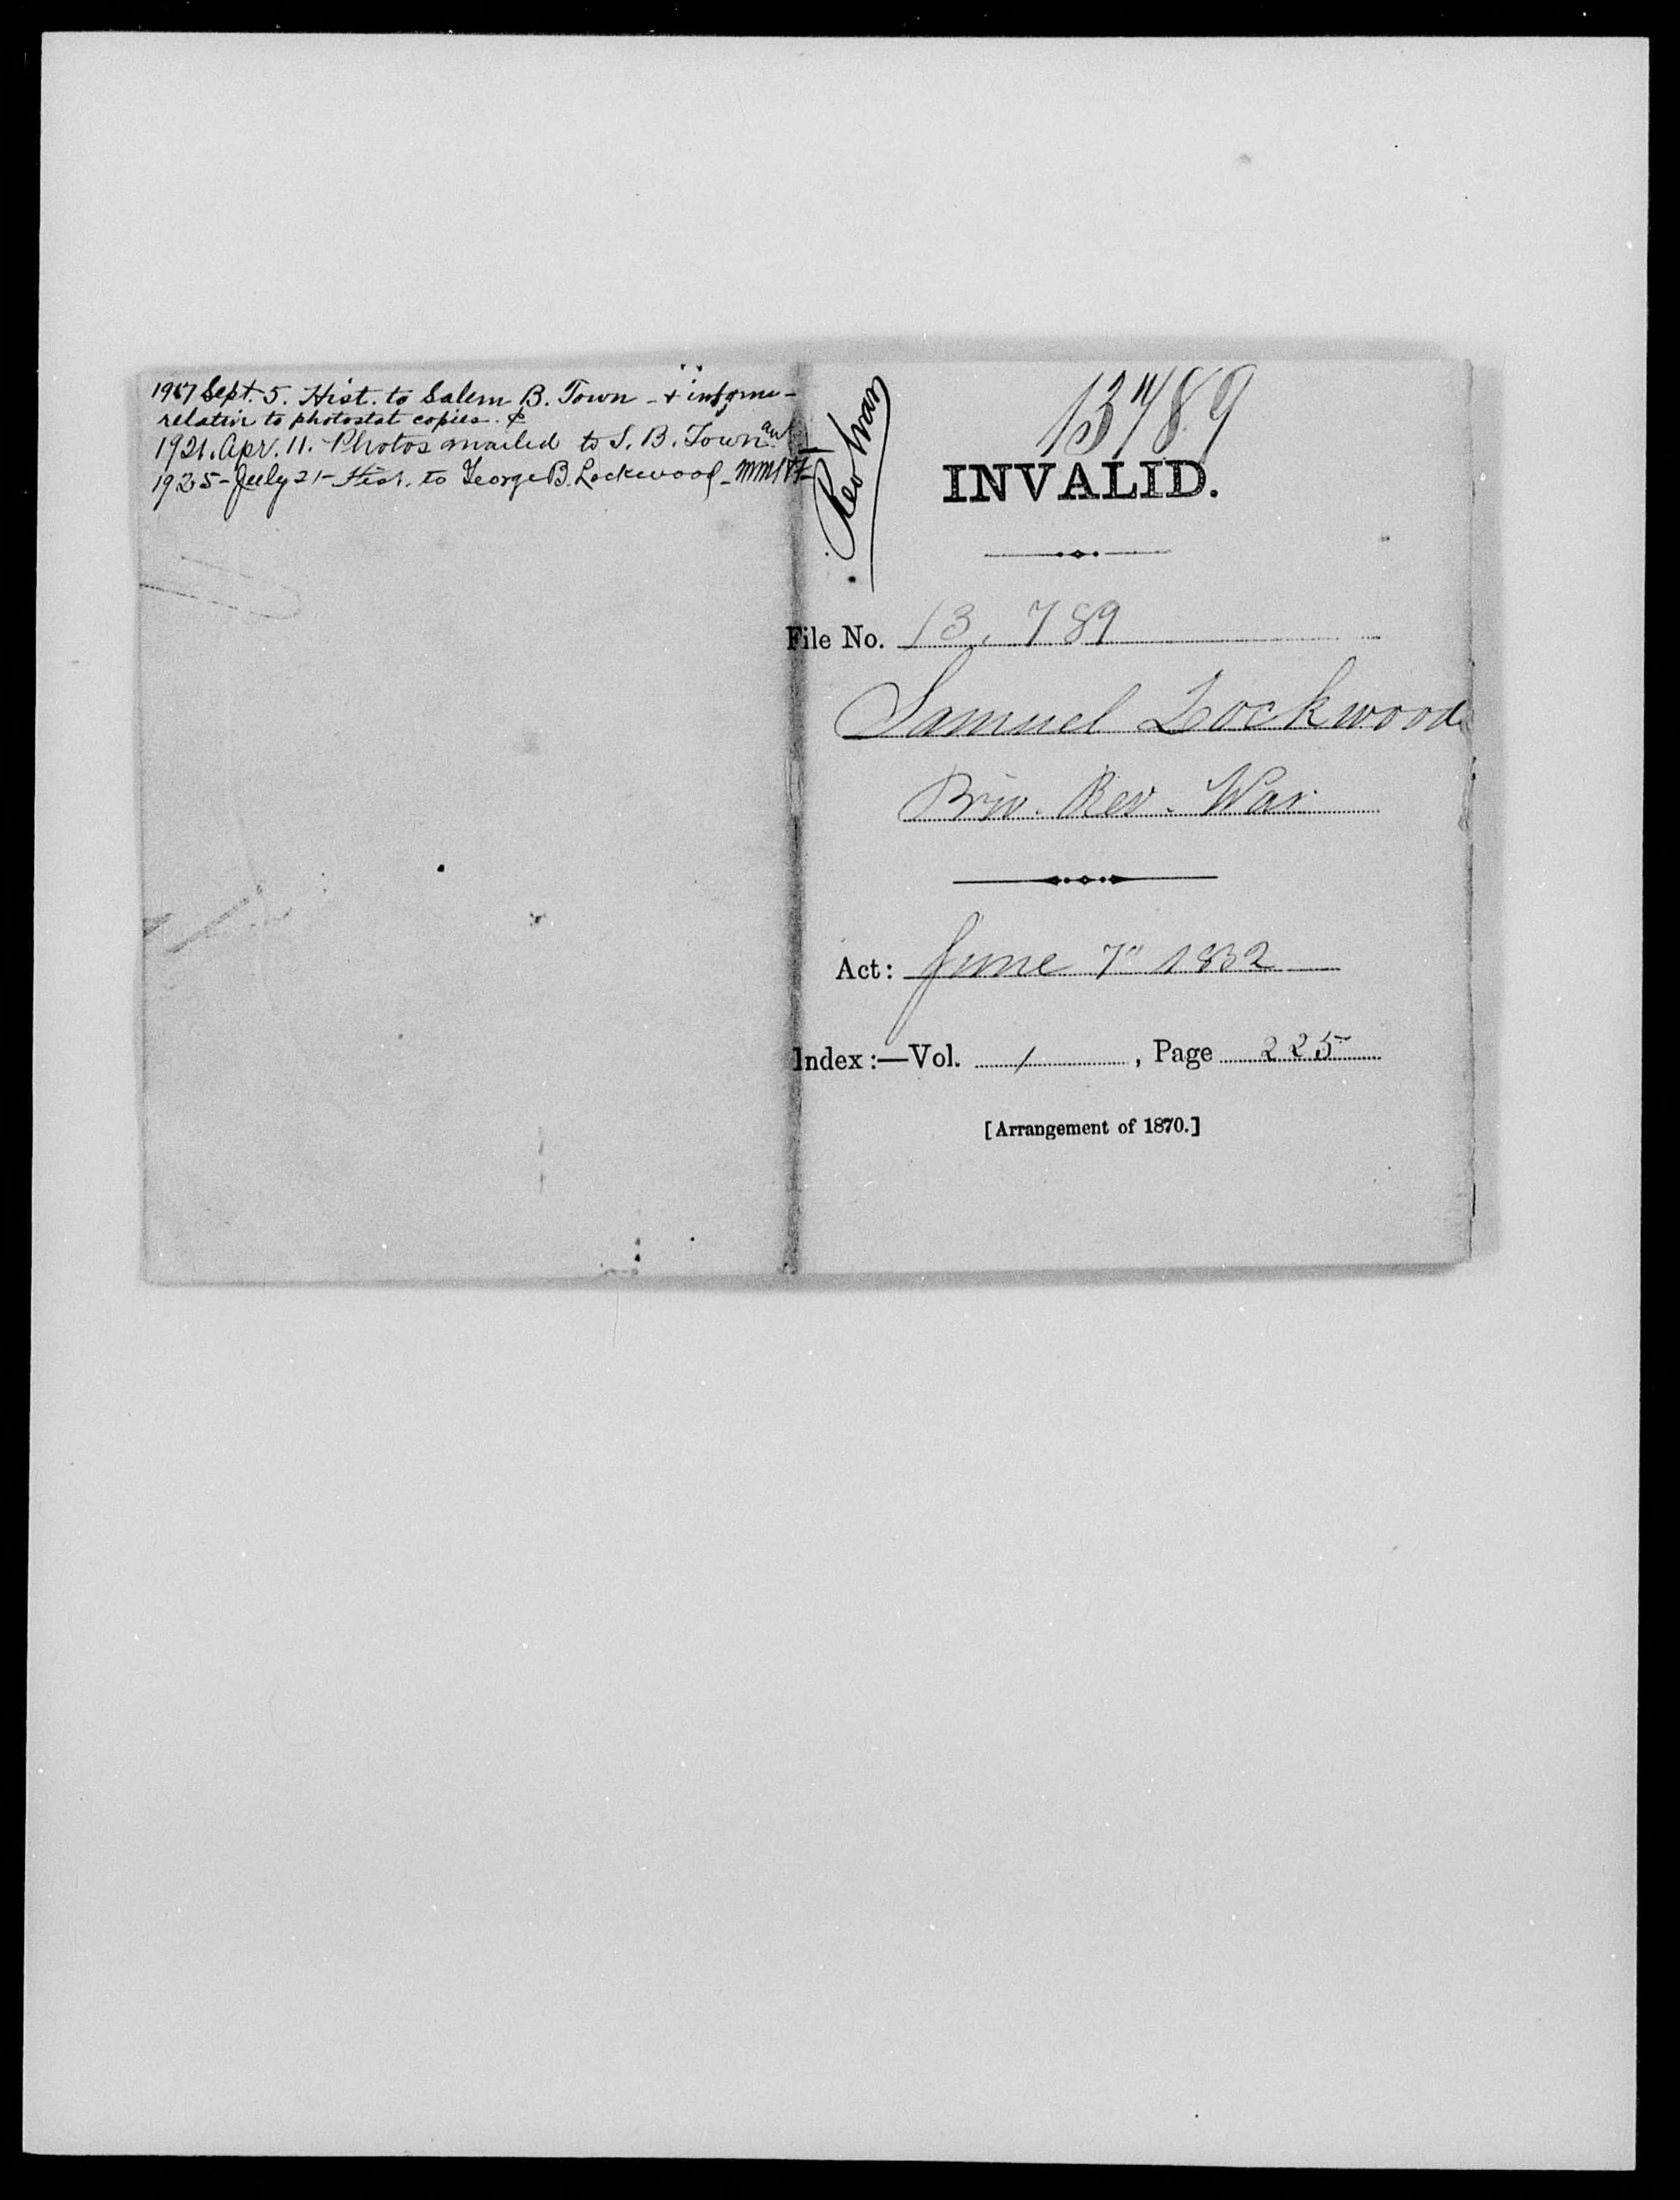1967 Sept. 5. Hist. to Salem B. Town & inform
Relation to photostat copies. [cents]
1921. Apr.11. Photos mailed to S. B. Town AW
1925 July 21- Hist. to George B. Lockwood MMFW

13789
INVALID
Rev’lnary

File No. 13,789
Samuel Lockwood
Pri. Rev. War
Act: June 7, 1832
Index: -- Vol. 1, Page 225
{Arrangement of 1870.}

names: George B Lockwood; Salem B Town; Samuel Lockwood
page: 17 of 25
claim: survivor's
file: S. 13789, for Samuel Lockwood, Delaware